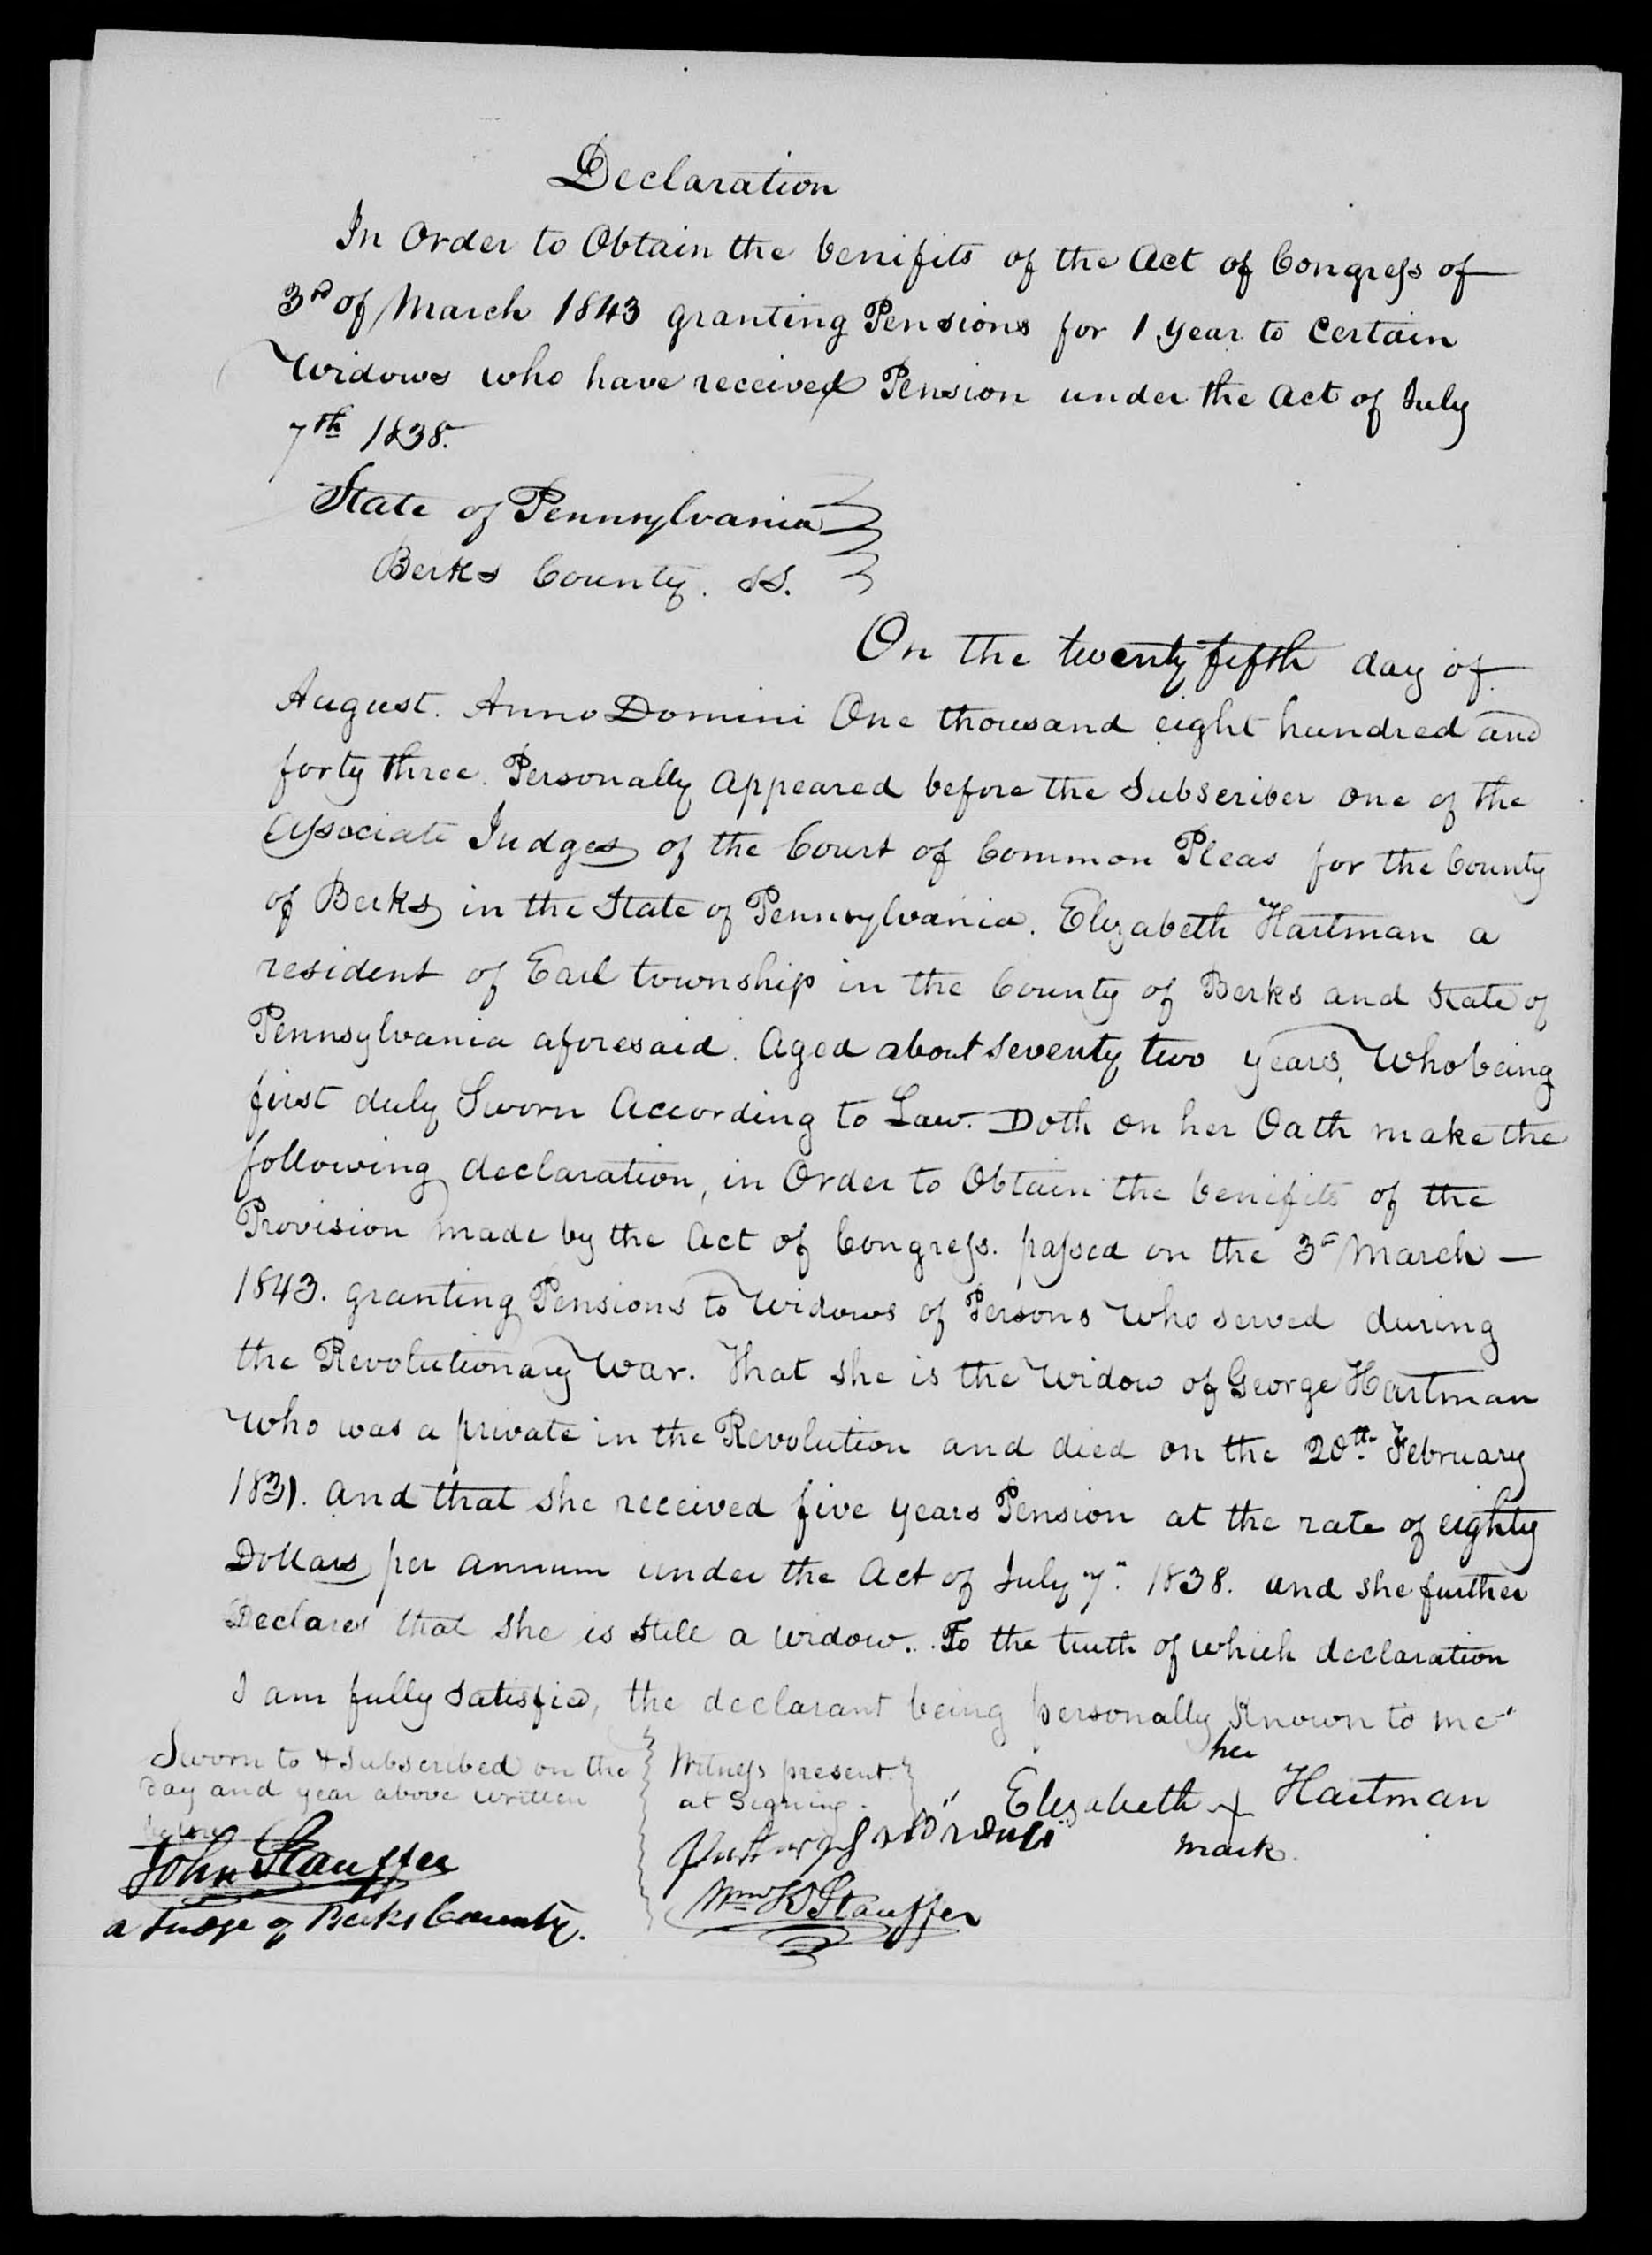Declaration
In order to obtain the benefits of the Act of Congress of 3rd of March 1843 granting Pensions for 1 year to certain widows who have received Pensions under the Act of July 7th 1838.
State of Pennsylvania
Berks County SS

On the twenty fifth day of August Anno Domini One thousand eight hundred and forty three.  Personally appeared before the Subscriber one of the Associate Judges of the Court of Common Pleas for the County of Berks in the State of Pennsylvania. Elizabeth Hartman a resident of Earl township in the County of Berks and State of Pennsylvania aforesaid.  Aged about seventy two years, who being first duly Sworn according to Law Doth on her Oath make the following declaration, in Order to Obtain the benifits of the Provision made by the Act of Congress passed on the 3rd March - 1843 granting Pensions to widows of Persons who served during the Revolutionary War. That she is the Widow of George Hartman who was a private in the Revolution and died on the 20th February 1831. And that she received five years Pension at the rate of eighty Dollars per annum under the Act of July 7th 1838. And she further Declared that she is still a widow.  To the truth of which declaration I am fully satisfied, the declarant being personally  known to me.

Sworn to and subscribed on the day and year above written
John Stauffer
A Judge of Berks County

[]

Wm K Stauffer

Elizabeth Hartman [t] her mark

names: Peter Hartman, Elizabeth Hartman, Wm K Stauffer, George Hartman, John Stauffer, Elizabeth Hartman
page: 28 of 29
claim: widow's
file: W. 2,789, George Hartman, New Jersey